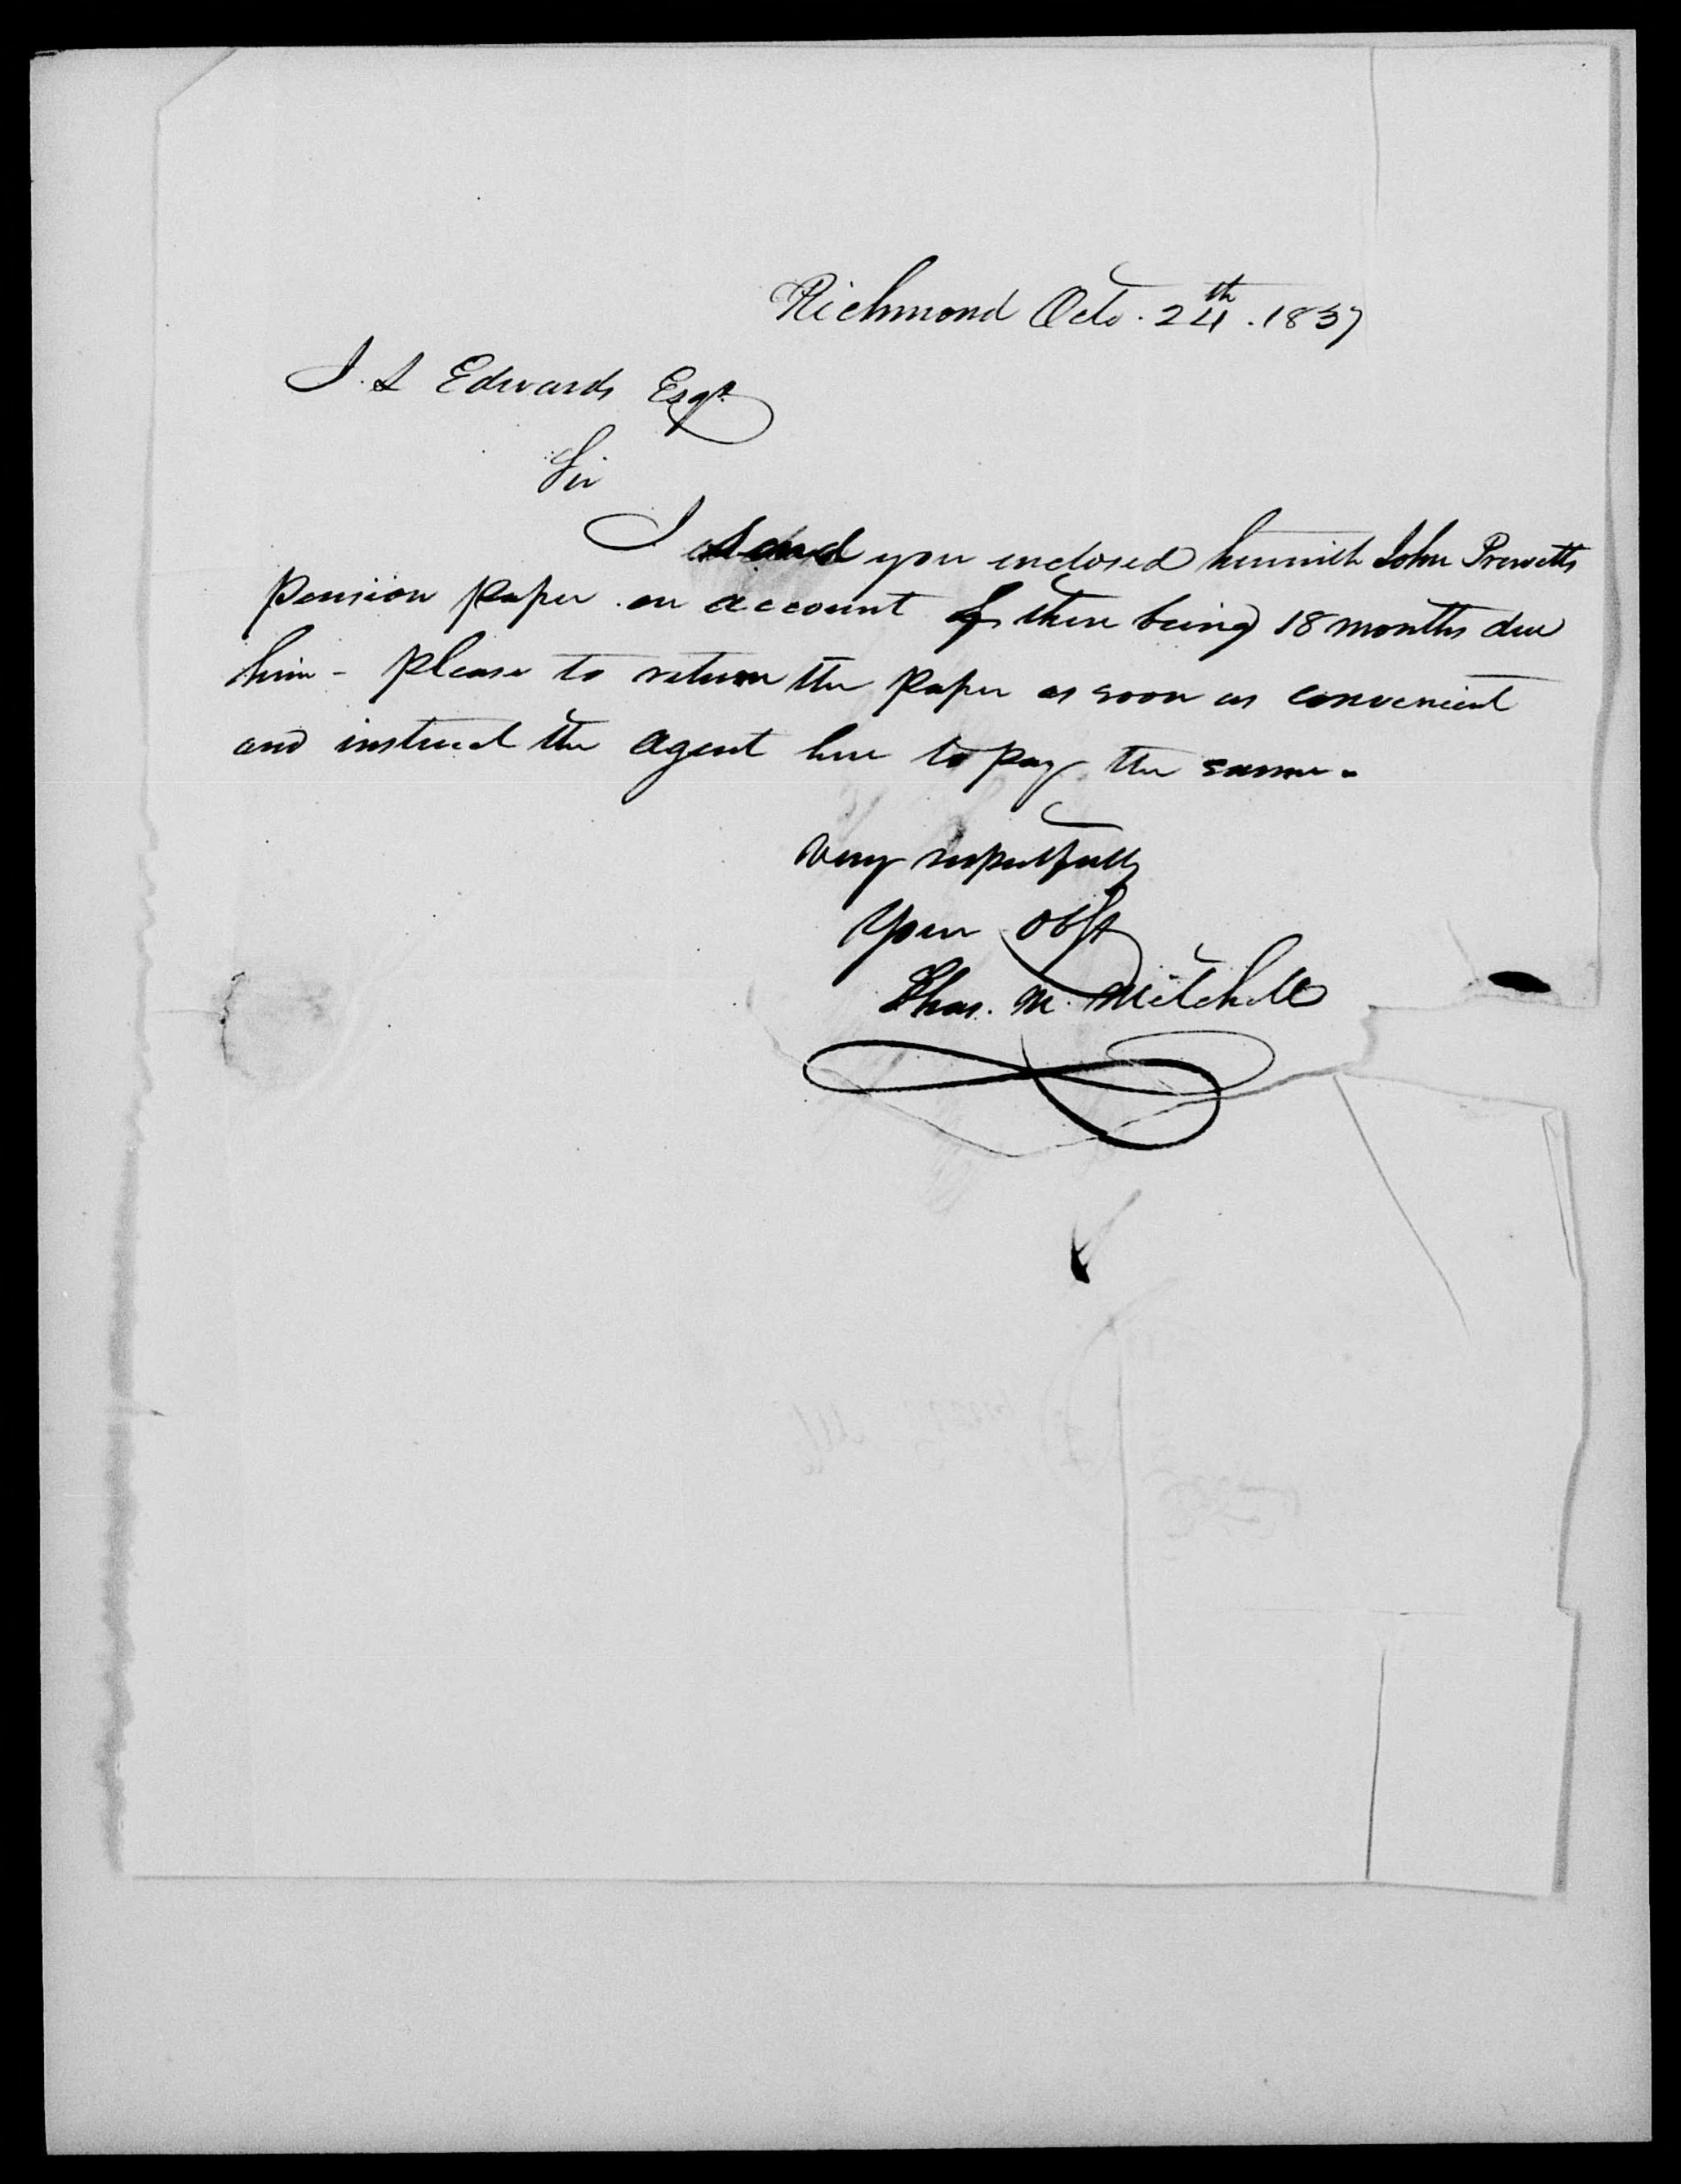Richmond Octo. 24th. 1837
J L Edwards Esqr.
Sir
I send you enclosed herewith John Prewetts pension paper on account of there being 18 months due him - please to return the paper as soon as convenient and instruct the Agent here to pay the same.
Very respectfully
Your Ob St
Chas. M. Mitchell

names: J L Edwards; Chas M Mitchell; John Prewett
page: 29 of 35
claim: survivor's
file: S. 30,665, for John Prewett, Virginia